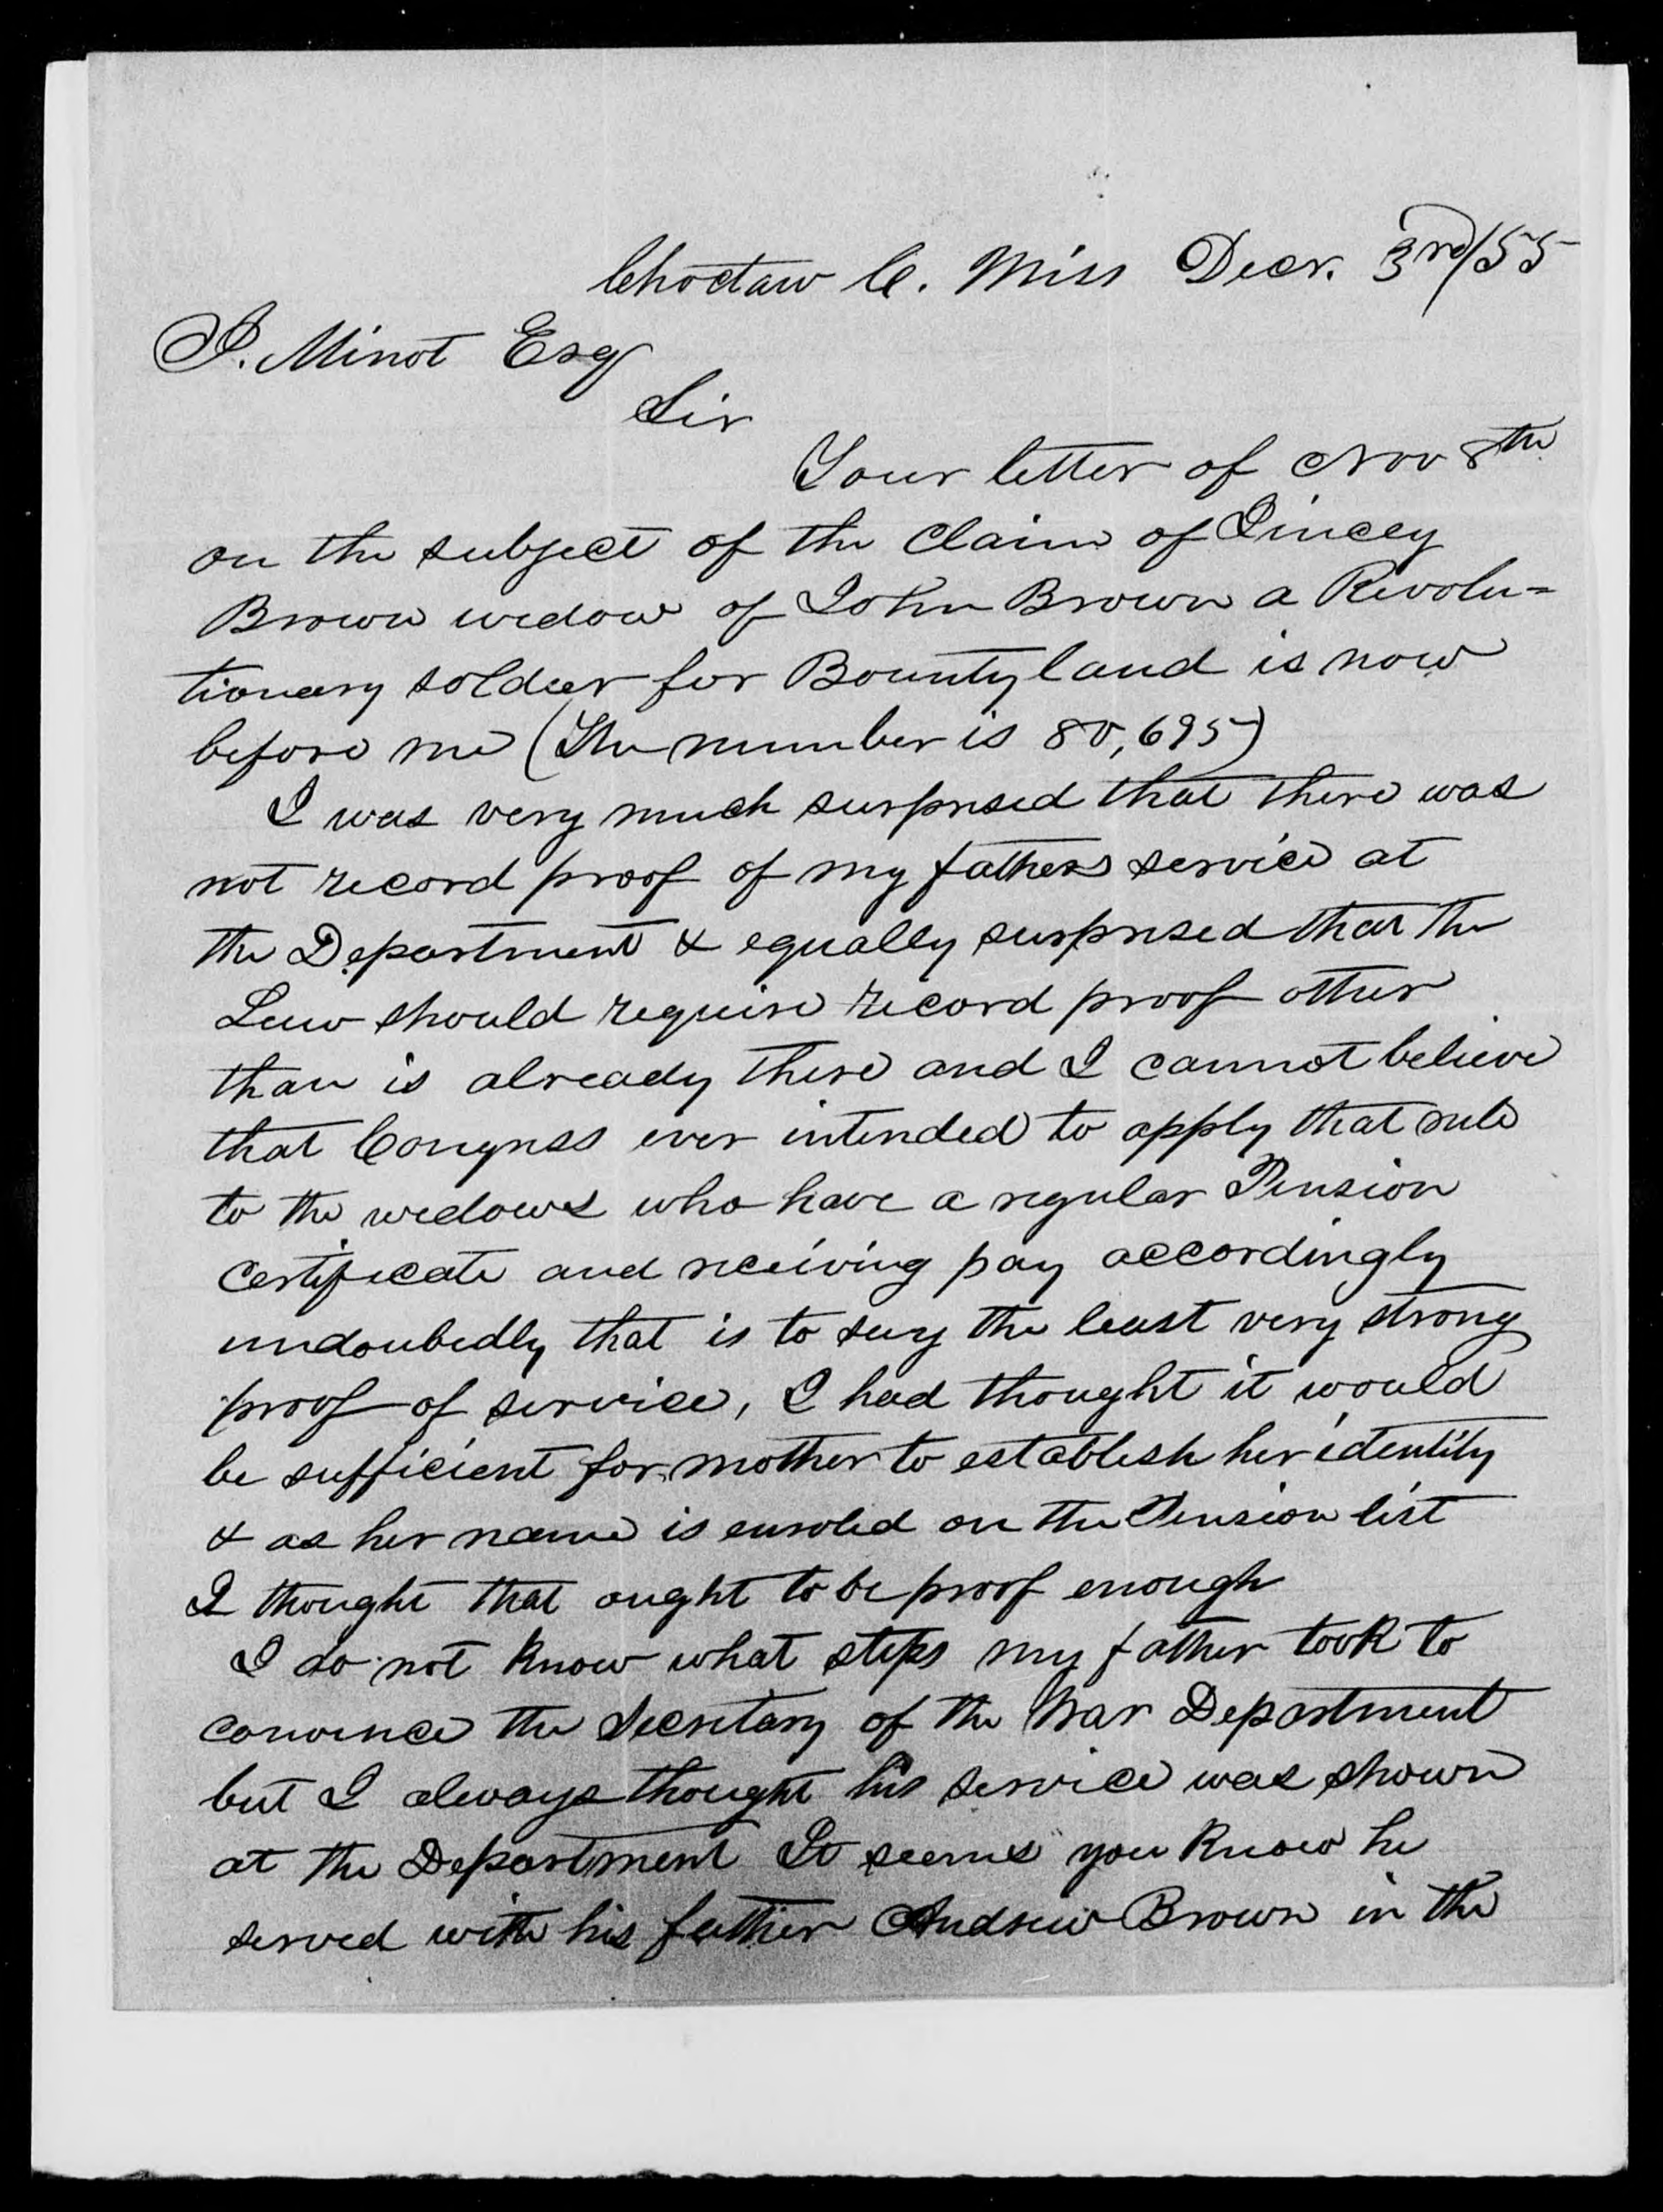Choctaw C. Miss Decr. 3rd /55
J. Minot Esq
Sir 
Your letter of Nov 8th on the subject of the claim of Jincey Brown widow of John Brown a Revolutionary soldier for Bounty land is now
before me (the number is 80, 695)
I was very much surprised that there was not record proof of my fathers services at the Department & equally surprised that the Law should require record proof other than is already there and I cannot believe that Congress ever intended to apply that rule to the widows who have a regular Pension Certificate and receiving pay accordingly undoubedly that is to say the least very strong proof of service, I had thought it would be sufficient for mother to establish her identity & as her name is enroled on the Pension list I thought that ought to be proof enough. I do not know what steps my father took to convince the Secretary of the War Department
but I always thought his service was shown at the Department. It seems you know he served with his father Andrew Brown in the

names: John Brown, J Minot, Jincey Brown, Andrew Brown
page: 64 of 85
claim: widow's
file: W. 5,906, John Brown, S.C.